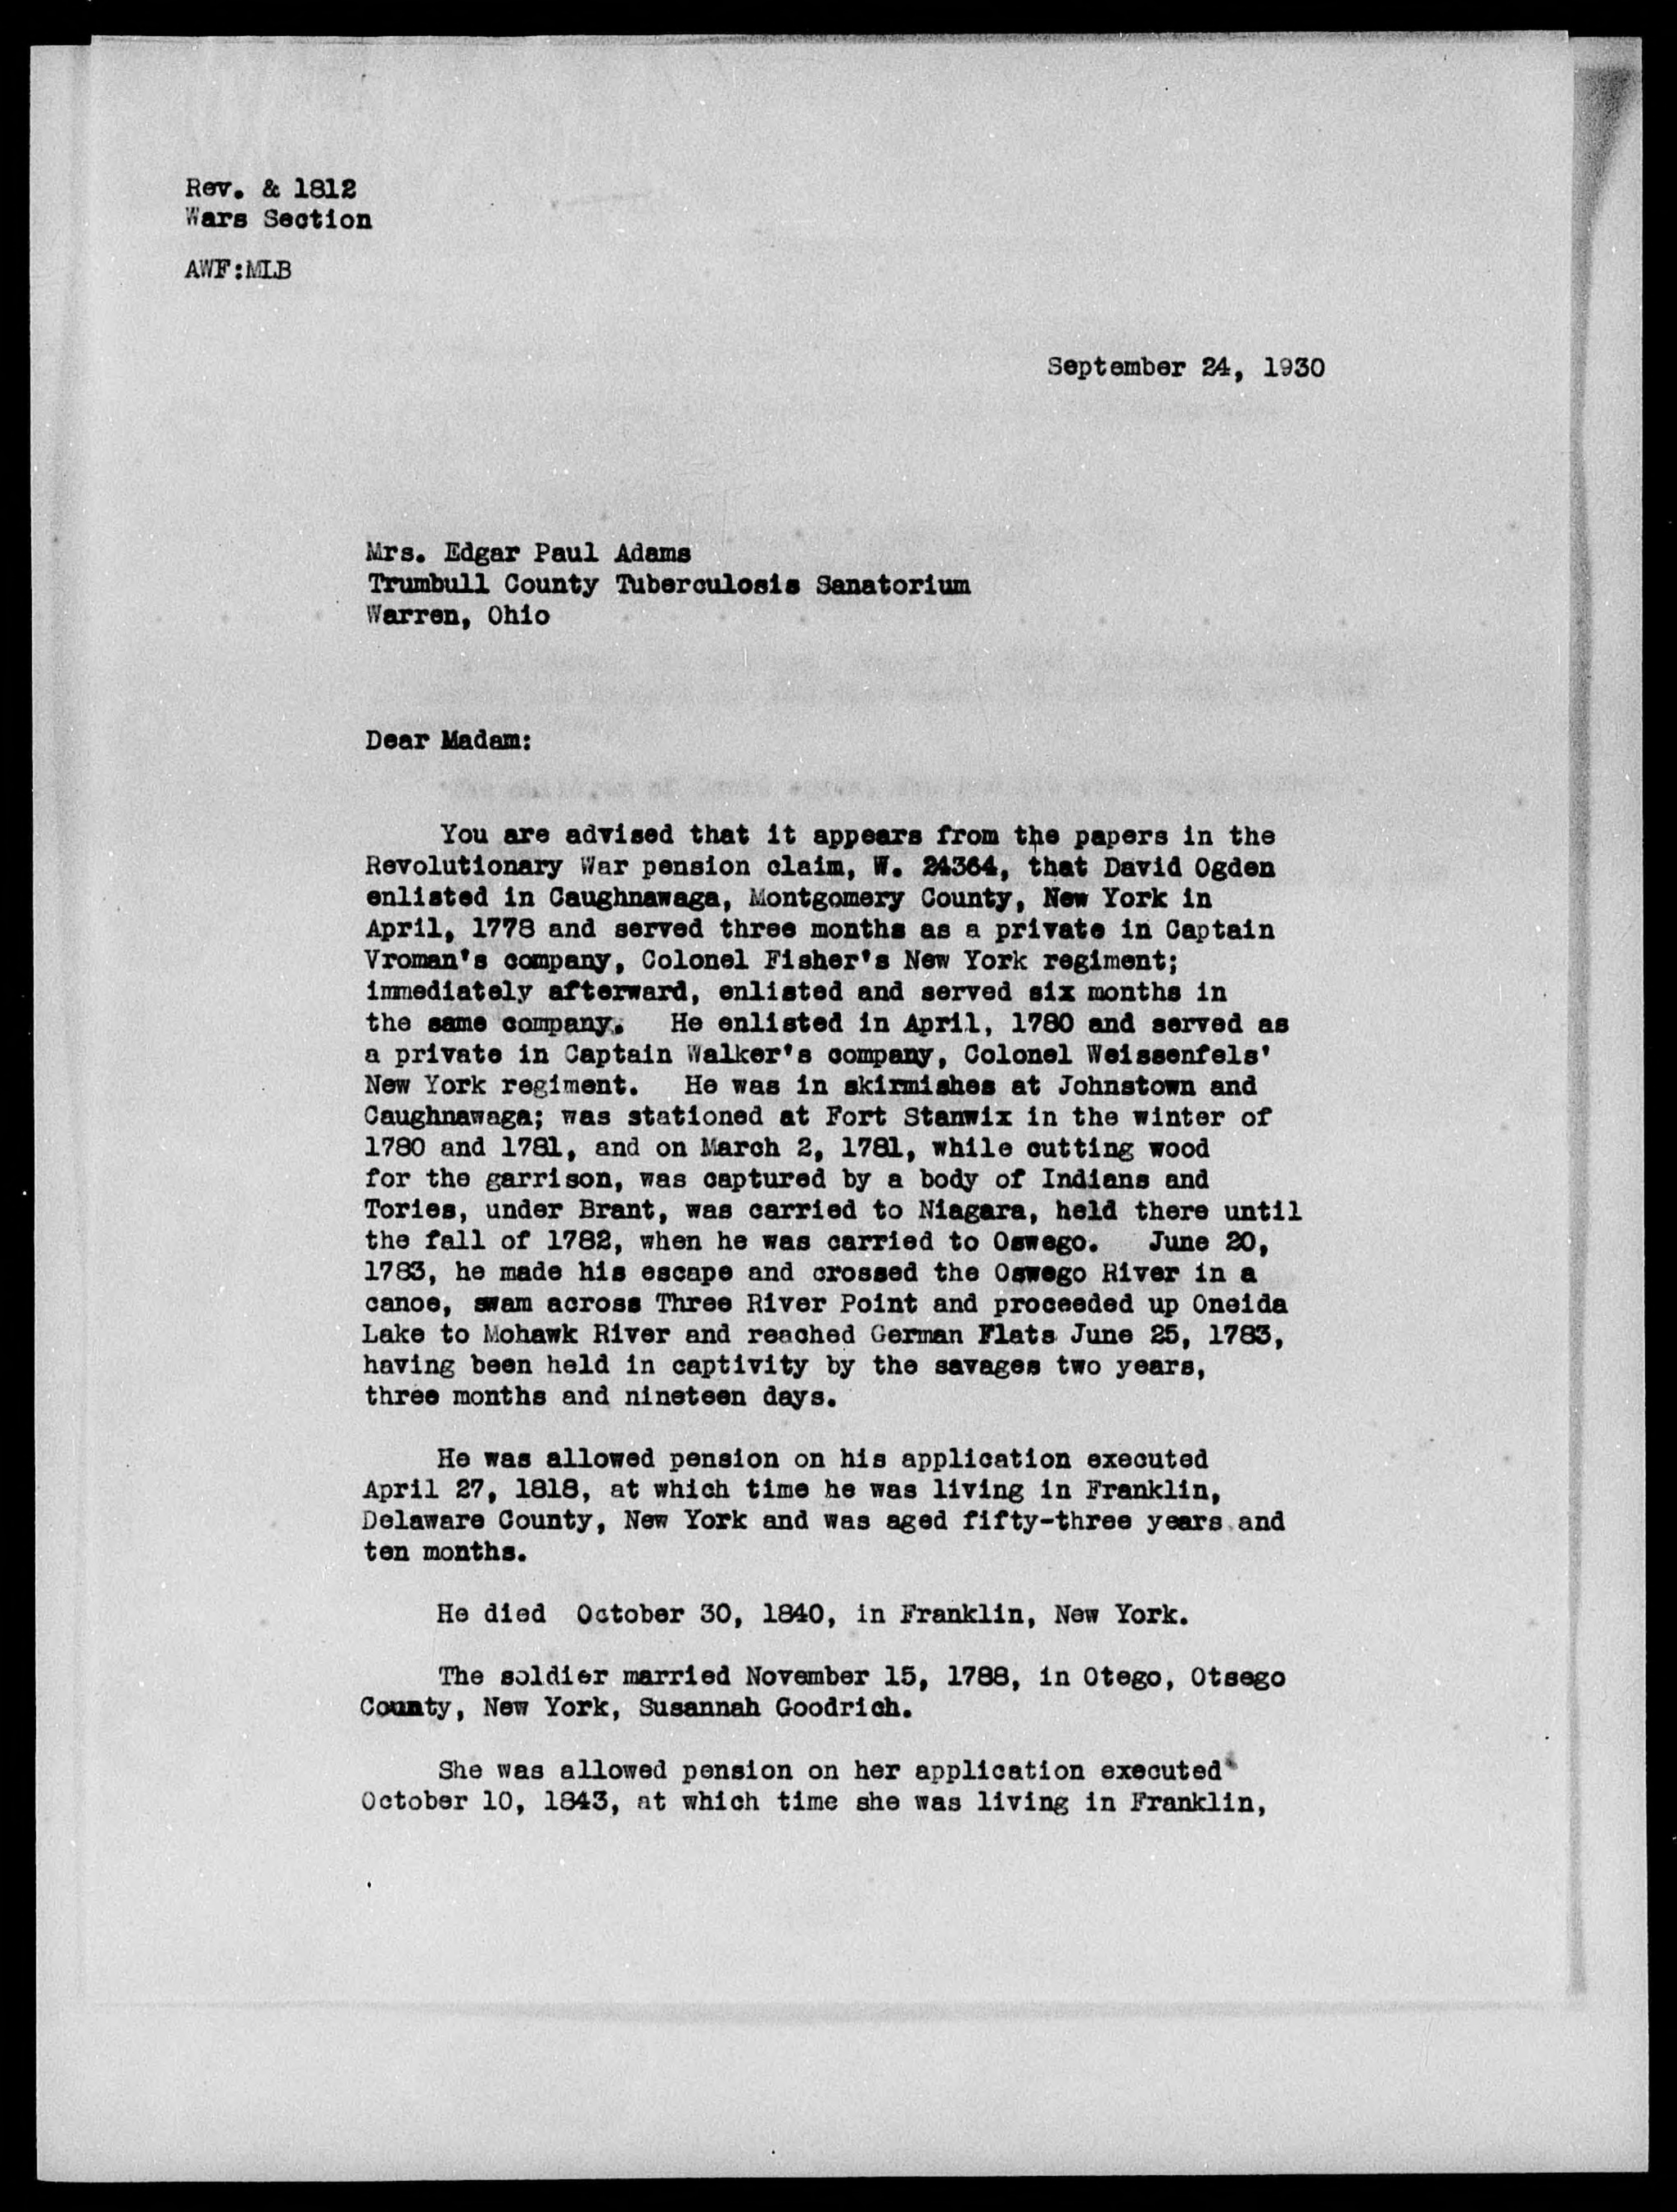Rev. & 1812
Wars Section
AWF: MLB

September 24, 1930

Mrs. Edgar Paul Adams
Trumbull County Tuberculosis Sanatorium
Warren, Ohio

Dear Madam:
You are advised that it appears from the papers in the
Revolutionary War pension claim, W. 24364, that David Ogden
enlisted in Caughnawaga, Montgomery County, New York in
April, 1778 and served three months as a private in Captain
Vroman's company, Colonel Fisher's New York regiment;
immediately afterward, enlisted and served six months in
the same company.  He enlisted in April, 1780 and served as a
private in Captain Walker's company, Colonel Weissenfels'
New York regiment.  He was in skirmishes at Johnstown and
Caughnawaga, was stationed at Fort Stanwix in the winter of
1780 and 1781, and on March 2, 1781, while cutting wood
for the garrison, was captured by a body of Indians and
Tories, under Brant, was carried to Niagara, held there until
the fall of 1782, when he was carried to Oswego.  June 20,
1783, he made his escape and crossed the Oswego River in a
canoe, swam across Three River Point and proceeded up Oneida
Lake to Mohawk River and reached German Flats June 25, 1783,
having been held in captivity by the savages two years,
three months and nineteen days.

He was allowed pension on his application executed
April 27, 1818, at which time he was living in Franklin,
Delaware County, New York and was aged fifty-three years and
ten months.

He died October 30, 1840, in Franklin, New York.

The soldier married November 15, 1788, in Otego, Otsego
County, New York, Susannah Goodrich.

She was allowed pension on her application executed
October 10, 1843, at which time she was living in Franklin,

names: David Ogden; Susannah Goodrich; Edgar Paul Adams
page: 23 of 40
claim: widow's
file: W. 24364, for David Ogden, New York